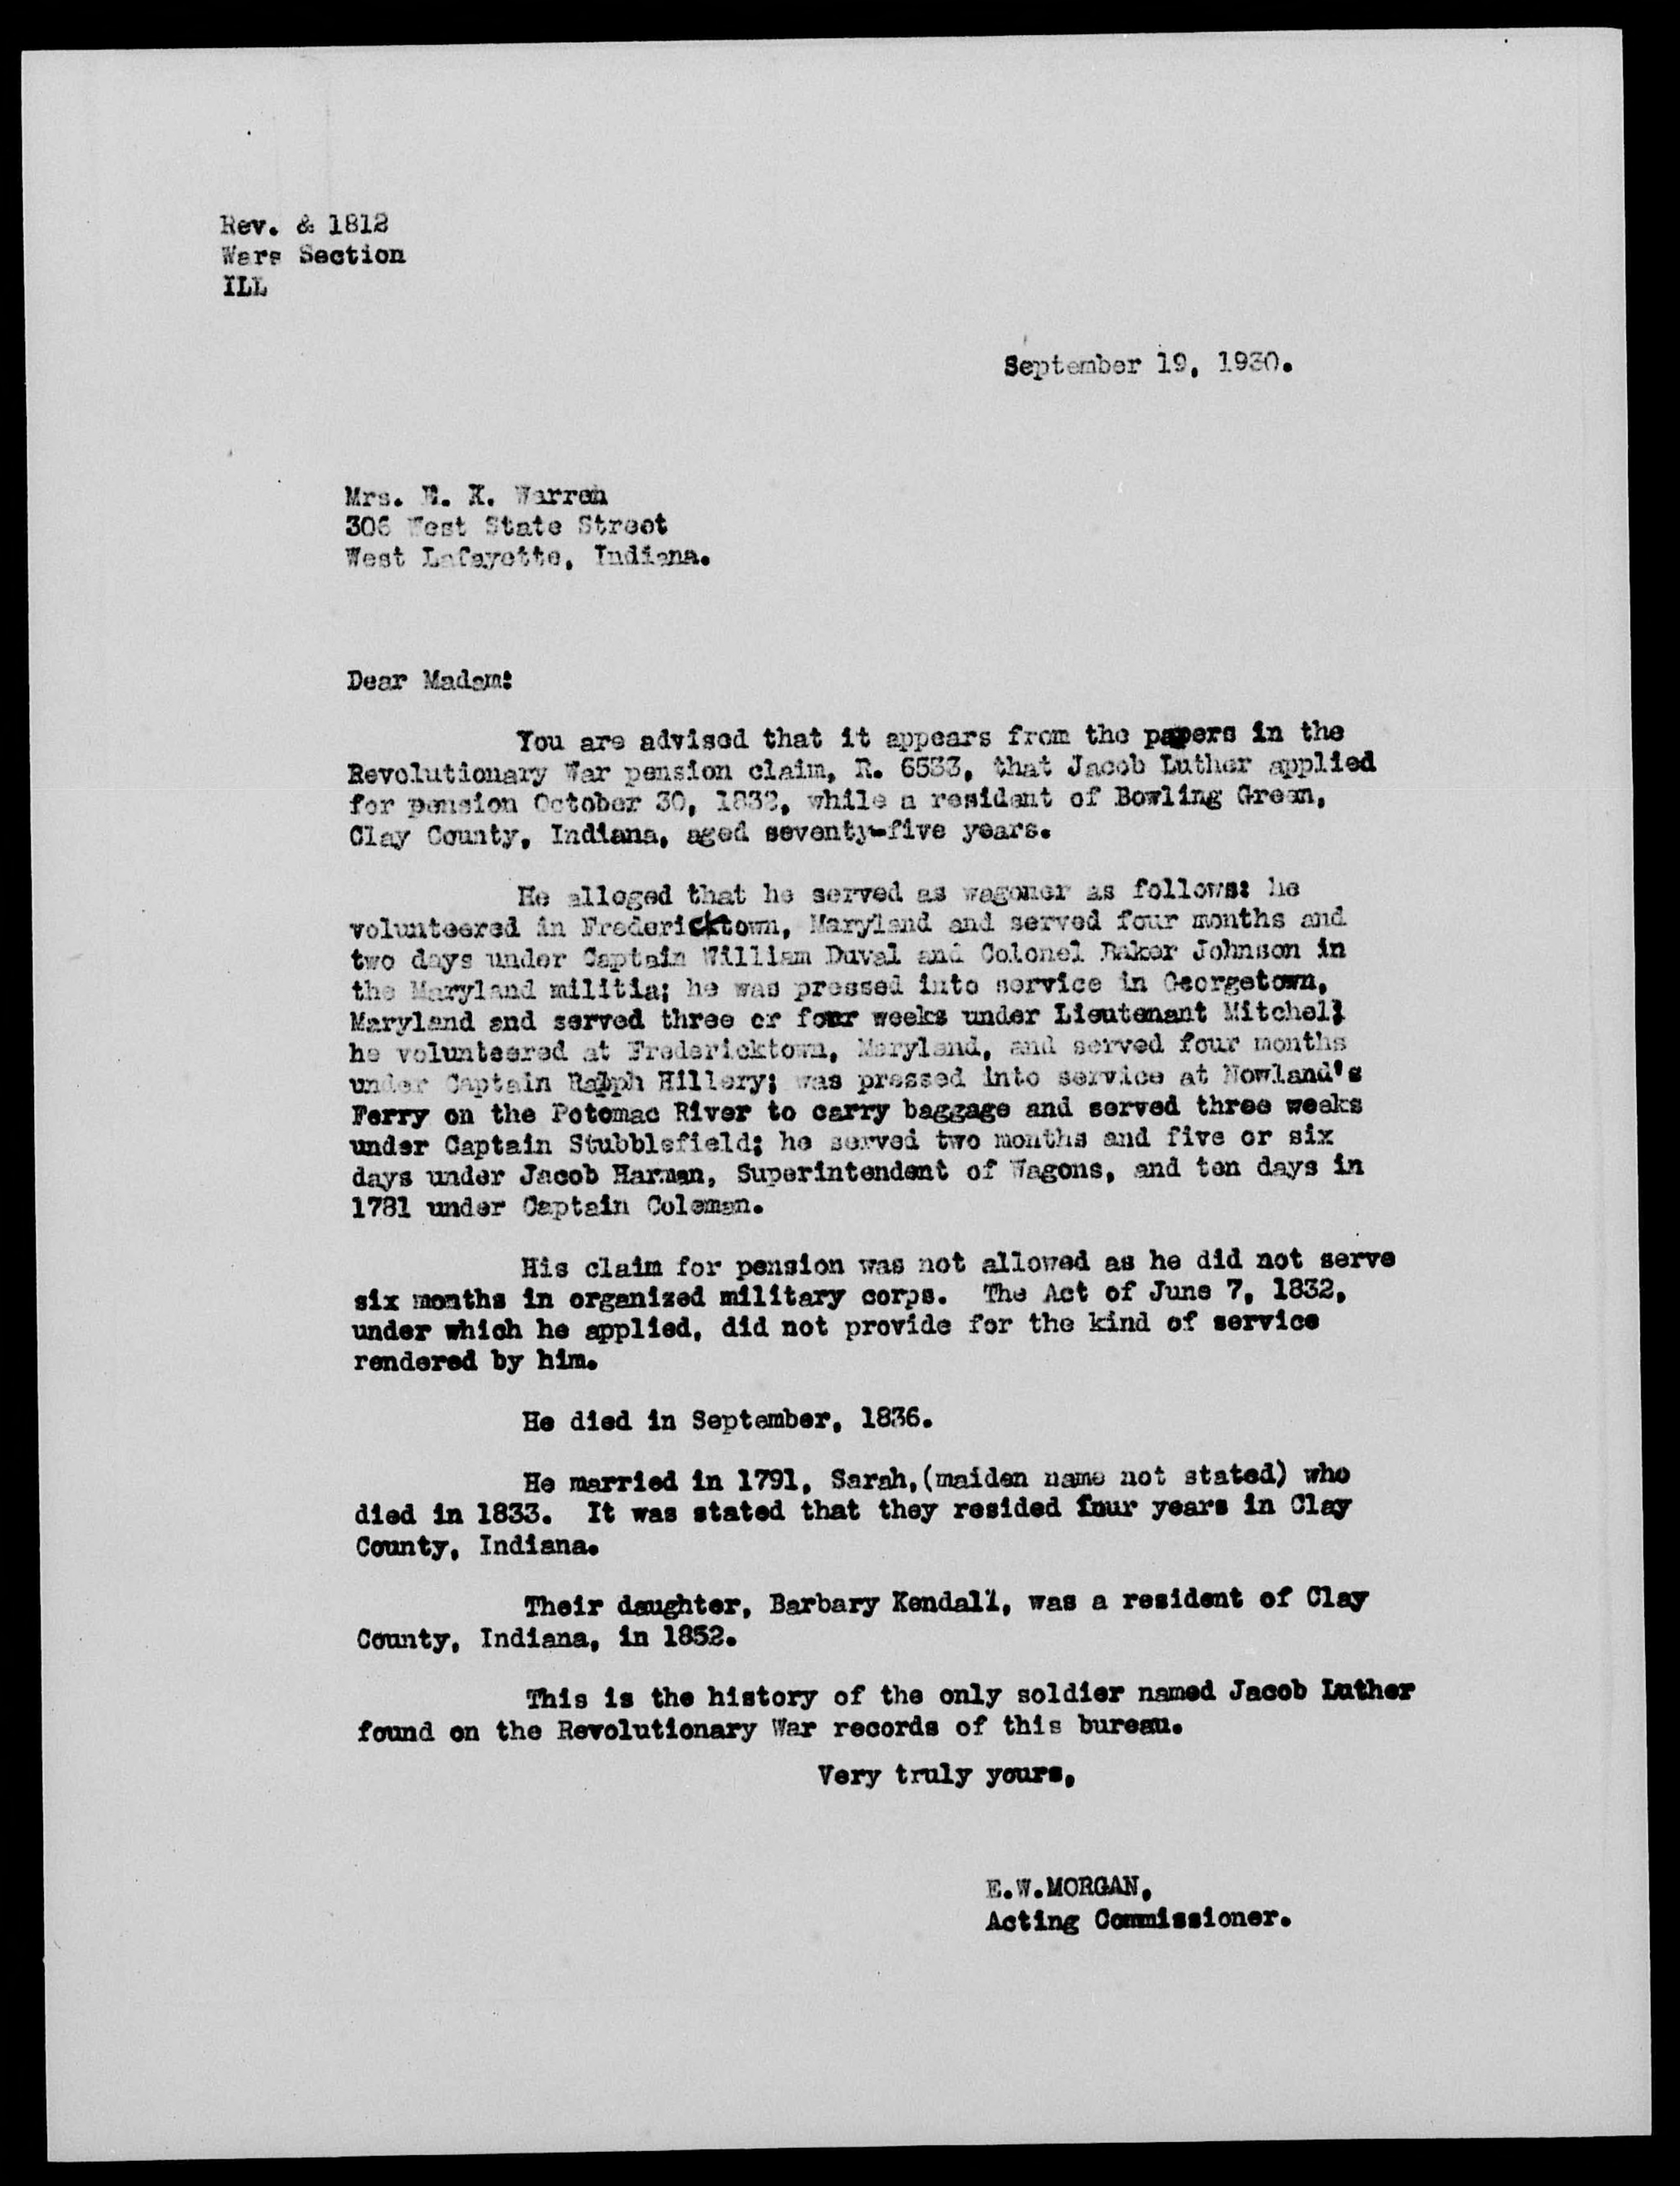Rev & 1812
Wars Section
ILL

September 19, 1930

Mrs. E K Warren
306 West State Street
West Lafayette, Indiana

Dear Madam:

You are advised that it appears from the papers in the Revolutionary War pension claim R.6533 that Jacob Luther applied for pension October 30, 1832, while a resident of Bowling Green, Clay County, Indiana, aged seventy-five years.

He alleged that he served as wagoner as follows: he volunteered in Fredericktown, Maryland and served four months and two days under Captain William Duval and Colonel Baker Johnson in the Maryland militia; he was pressed into service in Georgetown, Maryland and served three or four weeks under Lieutenant Mitchell; he volunteered at Fredericktown, Maryland and served four months under Captain Ralph Hillery; was pressed into service at Nowland's Ferry on the Potomac River to carry baggage and served three weeks under Captain Stubblefield; he served two months and five or six days under Jacob Harman, Superintendent of Wagons, and ten days in 1781 under Captain Coleman.

His claim for pension was not allowed as he did not serve six months in organized military corps. The act of June 7, 1832, under which he applied did not provide for the kind of service rendered by him.

He died in September 1836.

He married in 1791, Sarah (maiden name not stated) who died in 1833. It was stated that they resided four years in Clay County, Indiana.

Their daughter, Barbary Kendall, was a resident of Clay County, Indiana, in 1852.

This is the hisotry of the only soldier named Jacob Luther found on the Revolutionary war records of this bureau.

Very truly yours,

E.W. Morgan
Acting Commissioner.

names: [BLANK] Stubblefield; Barbary Kendall; William Duval; Jacob Luther; Jacob Harman; E W Morgan; [BLANK] Mitchell; Sarah [BLANK]; Ralph Hillery; Baker Johnson; E K Warren; [BLANK] Coleman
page: 14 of 23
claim: rejected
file: R. 6533, for Jacob Luther, Maryland